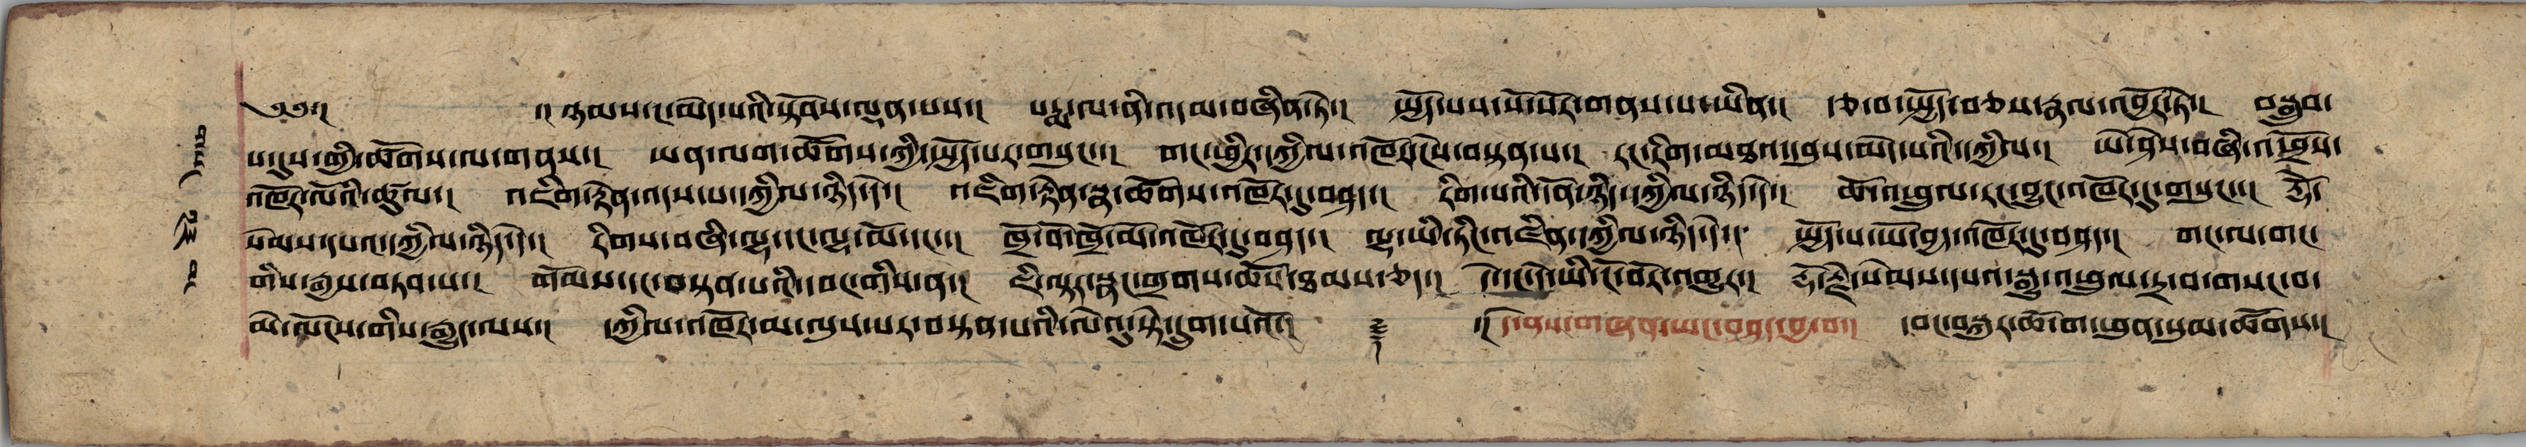༄༅་། ་། ཉམས་ང་མེད་པའི་སྟོབས་ལྡན་པས་། པདྨ་ལ་ནི་འདམ་བཞིན་ཏེ་། སྤྱོད་པས་སོ་སོར་གནས་པ་ཡིན་། རྩ་བ་སྤྱོད་བཅས་རྣལ་འབྱོར་ཏེ་། བསྒྲུབ་
པ་དུས་གྱི་ཚོགས་ལ་གནས་། ཡན་ལག་ཚོགས་ཀྱི་སྤྱོད་པར་གསུང་་། གང་ཕྱིར་དཀྱིལ་འཁོར་ངེས་བསྟན་པ་། རང་རིག་མཐའ་དབུས་མེད་པའི་དཀྱིལ་། ཡེ་ཤེས་བཞི་འཕྲོས་
འཁོར་ལོའི་ཚུལ་། འཇིག་རྟེན་འདས་པ་དཀྱིལ་ཉིད་དེ་། འཇིག་རྟེན་སྣ་ཚོགས་འཁོར་དུ་བཤད་། རིག་པའི་དོན་ཉིད་དཀྱིལ་ཉིད་དེ་། ཆོ་འཕྲུལ་རང་བྱུང་འཁོར་དུ་གསུང་་། རྡོེ་
སེམས་དཔའ་དཀྱིལ་ཉིད་དེ་། རིགས་བཞི་ལྷ་དང་ལྷ་མོ་དང་་། ཁྲོ་བོ་ཁྲོ་མོ་འཁོར་དུ་བཤད་། ལྷ་ཡི་ཏིང་འཛིན་དཀྱིལ་ཉིད་དེ་། སྤྱོད་པ་ཡོ་བྱད་འཁོར་དུ་བཤད་། གང་ལ་གང་
གིས་རྒྱས་བཏབ་པ་། གོམས་དང་བསྟན་པའི་དབང་གིས་ན་། ཇི་ལྟར་སྣང་གྲགས་ཆོས་ཐམས་ཅད་། དེ་དང་དེ་ཡི་ངོ་བོར་འགྱུར་། རྡོ་རྗེ་སེམས་དཔའ་སྒྱུ་འཕྲུལ་དྲ་བ་གསང་བ་
མེ་ལོང་གིས་རྒྱུད་ལས་། དཀྱིལ་འཁོར་མ་ལུས་པར་བསྟན་པའི་ལེའུ་སྟེ་དྲུག་པའོ་། ࿑ ་།དེ་ནས་གཞན་ཡང་བཤད་བྱ་བ་། དབང་བསྐུར་ཆོ་ག་ཕུན་སུམ་ཚོགས་།